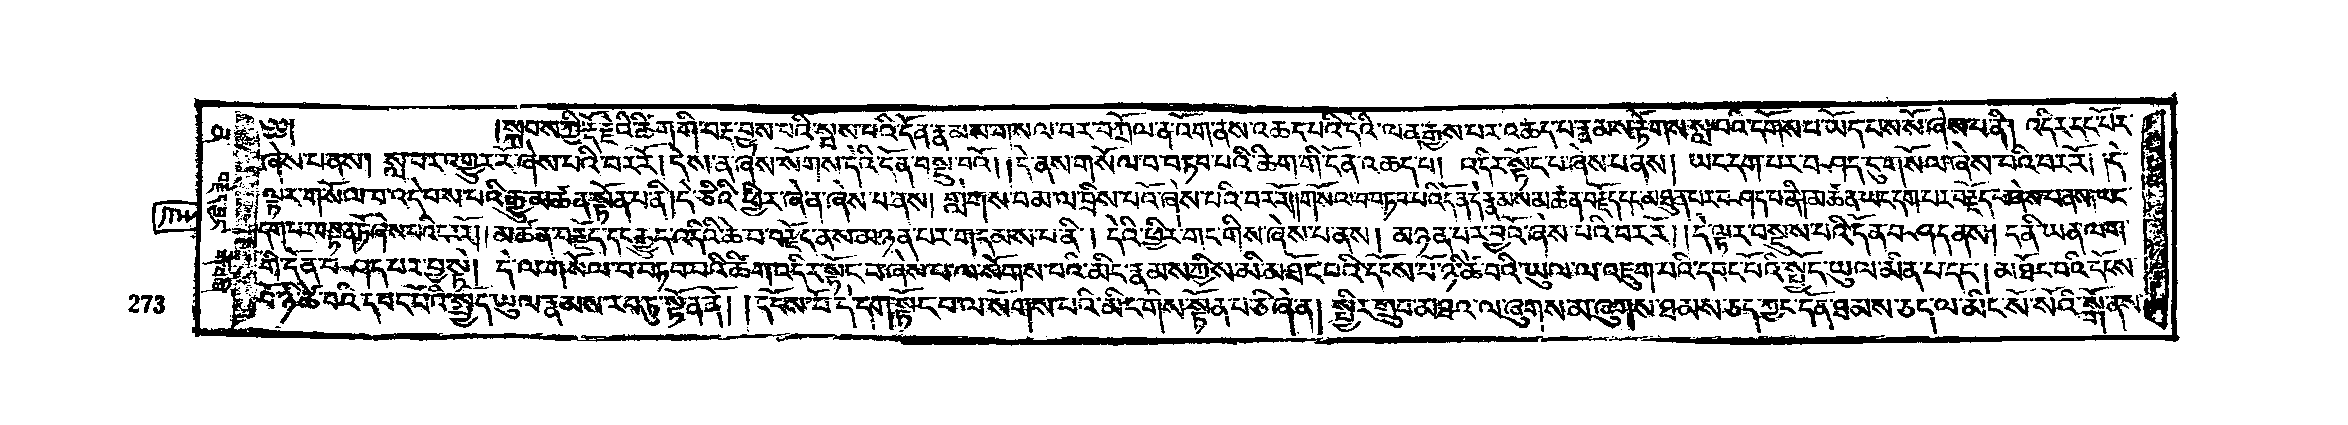༄༅། །སྐབས་ཀྱི་རྡོ་རྗེའི་ཚིག་གི་བརྡ་བྱས་པའི་སྦས་པའི་དོན་རྣམས་གསལ་བར་བཀྲོལ་ན་འོག་ནས་འཆད་པའི་དེའི་ལན་རྒྱས་པར་འཆད་པ་རྣམས་རྟོགས་སླ་བའི་དགོས་པ་ཡོད་པས་སོ་ཞེས་པ་ནི། འདིར་དང་པོར་
ཞེས་པ་ནས། སླ་བར་འགྱུར་རོ་ཞེས་པའི་བར་རོ། དེས་ན་ཞེས་སོགས་དེའི་དོན་བསྡུ་བའོ། །དེ་ནས་གསོལ་བ་བཏབ་པའི་ཚིག་གི་དོན་འཆད་པ། འདིར་སྟོང་པ་ཞེས་པ་ནས། ཡང་དག་པར་བཤད་དུ་གསོལ་ཞེས་པའི་བར་རོ། །དེ་
ལྟར་གསོལ་བ་འདེབས་པའི་རྒྱུ་མཚན་སྟོན་པ་ནི། དེ་ཅིའི་ཕྱིར་ཞེ་ན་ཞེས་པ་ནས། གླེགས་བམ་ལ་བྲིས་པའོ་ཞེས་པའི་བར་རོ། །གསོལ་བ་བཏབ་པའི་དོན་དེ་རྣམས་མཚན་བརྗོད་དང་མཐུན་པར་བཤད་པ་ནི། མཚན་ཡང་དག་པར་བརྗོད་པ་ཞེས་པ་ནས། ཡང་
དག་པར་བསྟན་ཏོ་ཞེས་པའི་བར་རོ། །མཚན་བརྗོད་དང་རྒྱུད་འདིའི་ཆེ་བ་བརྗོད་ནས་མཉན་པར་གདམས་པ་ནི། དེའི་ཕྱིར་གང་གིས་ཞེས་པ་ནས། མཉན་པར་བྱའོ་ཞེས་པའི་བར་རོ། །དེ་ལྟར་བསྡུས་པའི་དོན་བཤད་ནས། ད་ནི་ཡན་ལག་
གི་དོན་བཤད་པར་བྱ་སྟེ། དེ་ལ་གསོལ་བ་བཏབ་པའི་ཚིག་འདིར་སྟོང་པ་ཞེས་པ་ལ་སོགས་པའི་མིང་རྣམས་ཀྱིས་མི་མཐོང་བའི་དངོས་པོ་ཉི་ཚེ་བའི་ཡུལ་ལ་འཇུག་པའི་དབང་པོའི་སྤྱོད་ཡུལ་མིན་པ་དང་། མཐོང་བའི་དངོས་
པོ་ཉི་ཚེ་བའི་དབང་པོའི་སྤྱོད་ཡུལ་རྣམས་རབ་ཏུ་སྟོན་ནོ། །དངོས་པོ་དེ་དག་སྟོང་པ་ལ་སོགས་པའི་མིང་གིས་སྟོན་པ་ཅི་ཞེ་ན། སྤྱིར་གྲུབ་མཐའ་ལ་ཞུགས་མ་ཞུགས་ཐམས་ཅད་ཀྱང་དོན་ཐམས་ཅད་ལ་མིང་སོ་སོའི་སྒོ་ནས་